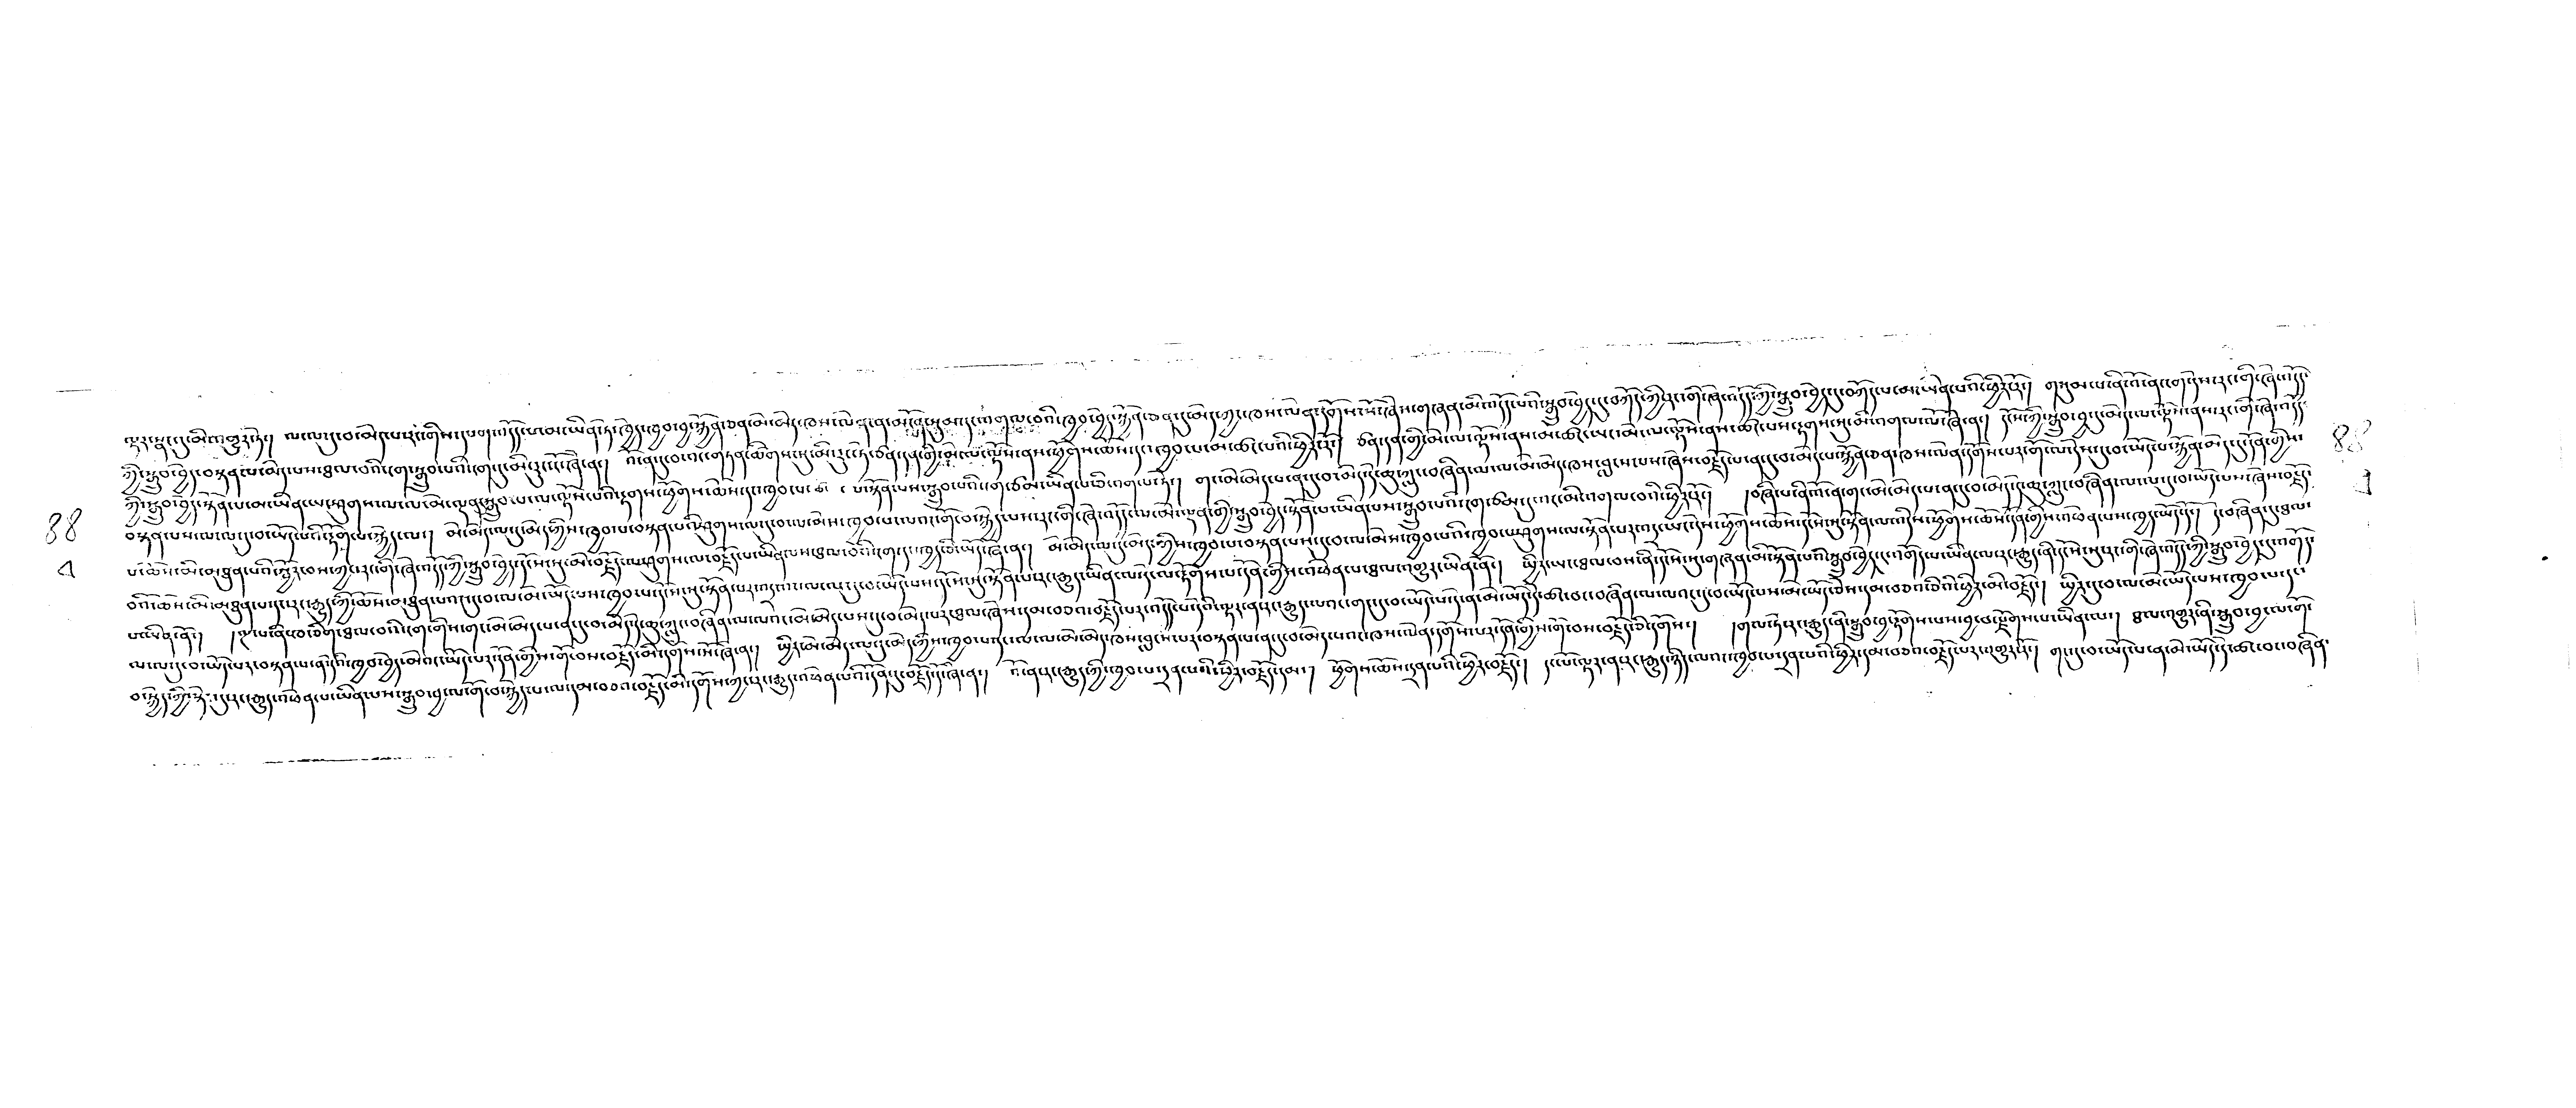ལྟར་སྣང་དུ་མི་འགྱུར་ཏེ། ལ་ལ་དུ་བ་མེད་པ་རང་གིས་དཔག་འདོད་པ་མ་ཡིན་ཏེ་ཁྱེད་ཁྱབ་བྱ་སྐྱོན་ཅན་མེ་མེད་ཁས་ལེན་ན་མངོན་སུམ་དང་འགལ་བའི་ཁྱབ་བྱེད་སྐྱོན་ཅན་དུ་མེད་ཀྱང་ཁས་ལེན་དགོས་སོ་ཞེས་གཞན་མི་འདོད་པའི་སྒྲུབ་བྱེད་དུ་བཀོད་ཀྱི་རང་གི་ཞེ་འདོད་ཀྱང་སྒྲུབ་བྱེད་དུ་བཀོད?། ?་?་?
ཀྱི་སྒྲུབ་བྱེད་བསྟན་ལ་མེད་པས་ཐལ་བའི་ངག་སྒྲུབ་པའི་ངག་དུ་མི་རུང་ངོ་ཞེ་ན། འོ་ན་དུ་བ་འང་གཏན་ཚིགས་སུ་མི་རུང་ཏེ་ཙན་དན་གྱི་མེ་ལ་ལྟོས་ནས་ཕྱོགས་ཆོས་དང་ཁྱབ་པ་མ་ཚང་པའི་ཕྱིར་རོ། ཙན་དན་གྱི་མེ་ལ་ལྟོས་ནས་མ་ཚང་ཡང་མེ་ལ་ལྟོས་ནས་ཚང་པས་རྟགས་སུ་མི་འགལ་ལོ་ཞེ་ན། དངོས་ཀྱི་སྒྲུབ་བྱ་དུ་མེད་པ་ལྟོས་ནས་རང་གི་ཞེ?་འདོད་
ཀྱི་སྒྲུབ་བྱེད་སྟོན་པ་མ་ཡིན་ཡང་ཤུགས་ལ་ལ་མེ་ལྡན་སྒྲུབ་པ་ལ་ལྟོས་པའི་རྟགས་ཕྱོགས་ཆོས་དང་ཁྱབ་པ་ཚང?་པ་སྟོན་པས་སྒྲུབ་པའི་ངག་ཙམ་ཡིན་པ་ཅི་འགལ?་པ་ཏེ། གང་མེ་མེད་པ་ན་དུ་བ་མེད་དེ་ཆུ་ཀླུང་བཞིན་མ་ལ་མེ་མེད་ཁས་བླངས་པས་ཞེས་བརྗོད་པ་ན་དུ་བ་མེད་པ་སྐྱོན་ཅན་ཁས་ལེན་དགོས་པར་གོ་ལ་དེས་དུ་བ་ཡོད་པ་སྐྱོན་མེད་དུ་དོན་གྱིས་
བསྟན་པས་ལ་ལ་དུ་བ་ཡོད་པའི་རྟོག་པ་སྐྱེད་ལ། མེ་མེད་ལ་དུ་མེད་ཀྱིས་ཁྱབ་པ་བསྟན་པའི་ཤུགས་ལ་དུ་བ་ལ་མེས་ཁྱབ་པ་ལའང་གོ་བ་སྐྱེད་པས་རང་གི་ཞེ་འདོད་ལ་མེ་ལྡན་གྱི་སྒྲུབ་བྱེད་སྟོན་པ་ཡིན་པས་སྒྲུབ་པའི་ངག་ཙམ་དུ་འང་མི་འགལ་བའི་ཕྱིར་རོ། །བཞི་པ་ནི་འོ་ན་གང་མེ་མེད་པ་ན་དུ་བ་མེད་དེ་ཆུ་ཀླུང་བཞིན་ལ་ལ་དུ་བ་ཡོད་པས་ཞེས་བརྗོད་
པ་ཆོས་མི་མཐུན་པའི་སྦྱོར་བས་ཀྱང་རང་གི་ཞེ་འདོད་ཀྱི་སྒྲུབ་བྱེད་དངོས་སུ་མེ་བརྗོད་ལ་ཤུགས་ལ་བརྗོད་པ་ཡིན་པས་ཐལ་བའི་ངག་དང་ཁྱད་ཅི་ཡོད་ཞེ་ན། མེ་མེད་ལ་དུ་མེད་ཀྱིས་ཁྱབ་པ་བསྟན་པས་དུ་བ་ལ་མེས་ཁྱབ་པའི་ཁྱབ་པ་ཤུགས་ལ་སྟོན་པར་འདྲ་ཡང་དེས་ཕྱོགས་ཆོས་དངོས་སུ་སྟོན་ལ་འདིས་ཕྱོགས་ཆོས་དོན་གྱིས་འཕེན་པས་ཁྱད་ཡོད་དོ། དེ་བཞིན་དུ་ཐལ་
བའི་ཆོས་མི་མཐུན་པ་དང་རང་རྒྱུད་ཀྱི་ཆོས་མཐུན་པའང་དུ་བ་ལ་མེ་ཡོད་པས་ཁྱབ་པ་དངོས་སུ་སྟོན་པར་འདྲ?་འང་ལ་ལ་དུ་བ་ཡོད་པས་དངོས་སུ་སྟོན་པ་རང་རྒྱུད་ཡིན་ལ་དེ་ལ་རྟོགས་པ་དོན་གྱིས་འཕེན་པ་ཐལ་འགྱུར་ཡིན་ནོ། སྤྱིར་ཡང་ཐལ་བས་ནི་དངོས་སུ་གཞན་མི་སྟོན་པའི་སྒྲུབ་བྱེད་དུ་འགོད་པ་ཡིན་ལ་རང་རྒྱུད་ནི་དངོས་སུ་རང་གི་ཞེ་འདོད་ཀྱི་སྒྲུབ་བྱེད་དུ་འགོད་
པ་ཡིན་ནོ། །ལྔ་པ་ནི་ཁ་ཅིག་ཐལ་བའི་ངག་གིས་གང་མེ་མེད་པ་ན་དུ་བ་མེད་དེ་ཆུ་ཀླུང་བཞིན་ལ་ལའང་མེ་མེད་པས་དུ་བ་མེད་པར་ཐལ་ཞེས་དམ་བཅའ་བརྗོད་པར་འདོད་པ་དེའི་ལྟར་ན་རང་རྒྱུད་པའང་གང་དུ་བ་ཡོད་པ་དེ་ན་མེ་ཡོད་དེ་ཚང་བང་བཞིན་ལ་ལའང་དུ་བ་ཡོད་པས་མེ་ཡོད་ཅེས་དམ་བཅའ་ཅིའི་ཕྱིར་མི་བརྗོད། སྤྱིར་དུ་བ་ལ་མེ་ཡོད་པས་ཁྱབ་པ་དང་
ལ་ལ་དུ་བ་ཡོད་པར་བསྟན་པ་ན་དེའི་ཁྱབ་བྱེད་མེའང་ཡོད་པར་དོན་གྱིས་གོ་བས་བརྗོད་མི་དགོས་སོ་ཞེ་ན། སྤྱིར་མེ་མེད་ལ་དུ་མེད་ཀྱིས་ཁྱབ་པ་དང་ལ་ལ་མེ་མེད་ཁས་བླངས་པར་བསྟན་པ་ན་དུ་བ་མེད་པའང་ཁས་ལེན་དགོས་པར་དོན་གྱིས་གོ་བས་བརྗོད་ཅི་དགོས། །གལ་ཏེ་རང་རྒྱུད་ནི་སྒྲུབ་བྱ་རྟོགས་པས་བྱ་བ་རྫོགས་པ་ཡིན་ལ། ཐལ་འགྱུར་ནི་སྒྲུབ་བྱ་ལ་གོ་
བ་སྐྱེད་ཀྱི་སྟེང་དུ་རང་རྒྱུད་འཕེན་པ་ཡིན་པས་སྒྲུབ་བྱ་ལ་གོ་བ་སྐྱེད་པ་ལ་དམ་བཅའ་བརྗོད་མི་དགོས་ཀྱང་རང་རྒྱུད་འཕེན་པའི་དོན་དུ་བརྗོད་དོ་ཞེ་ན། འོ་ན་རང་རྒྱུད་ཀྱི་ཁྱབ་པ་དྲན་པའི་ཕྱིར་བརྗོད་དམ། ཕྱོགས་ཆོས་དྲན་པའི་ཕྱིར་བརྗོད། དང་པོ་ལྟར་ན་རང་རྒྱུད་ཉིད་ལའང་ཁྱབ་པ་དྲན་པའི་ཕྱིར་དམ་བཅའ་བརྗོད་པར་འགྱུར་རོ། གང་དུ་བ་ཡོད་པ་ན་མེ་ཡོད་དེ་ཚང་བང་བཞིན་